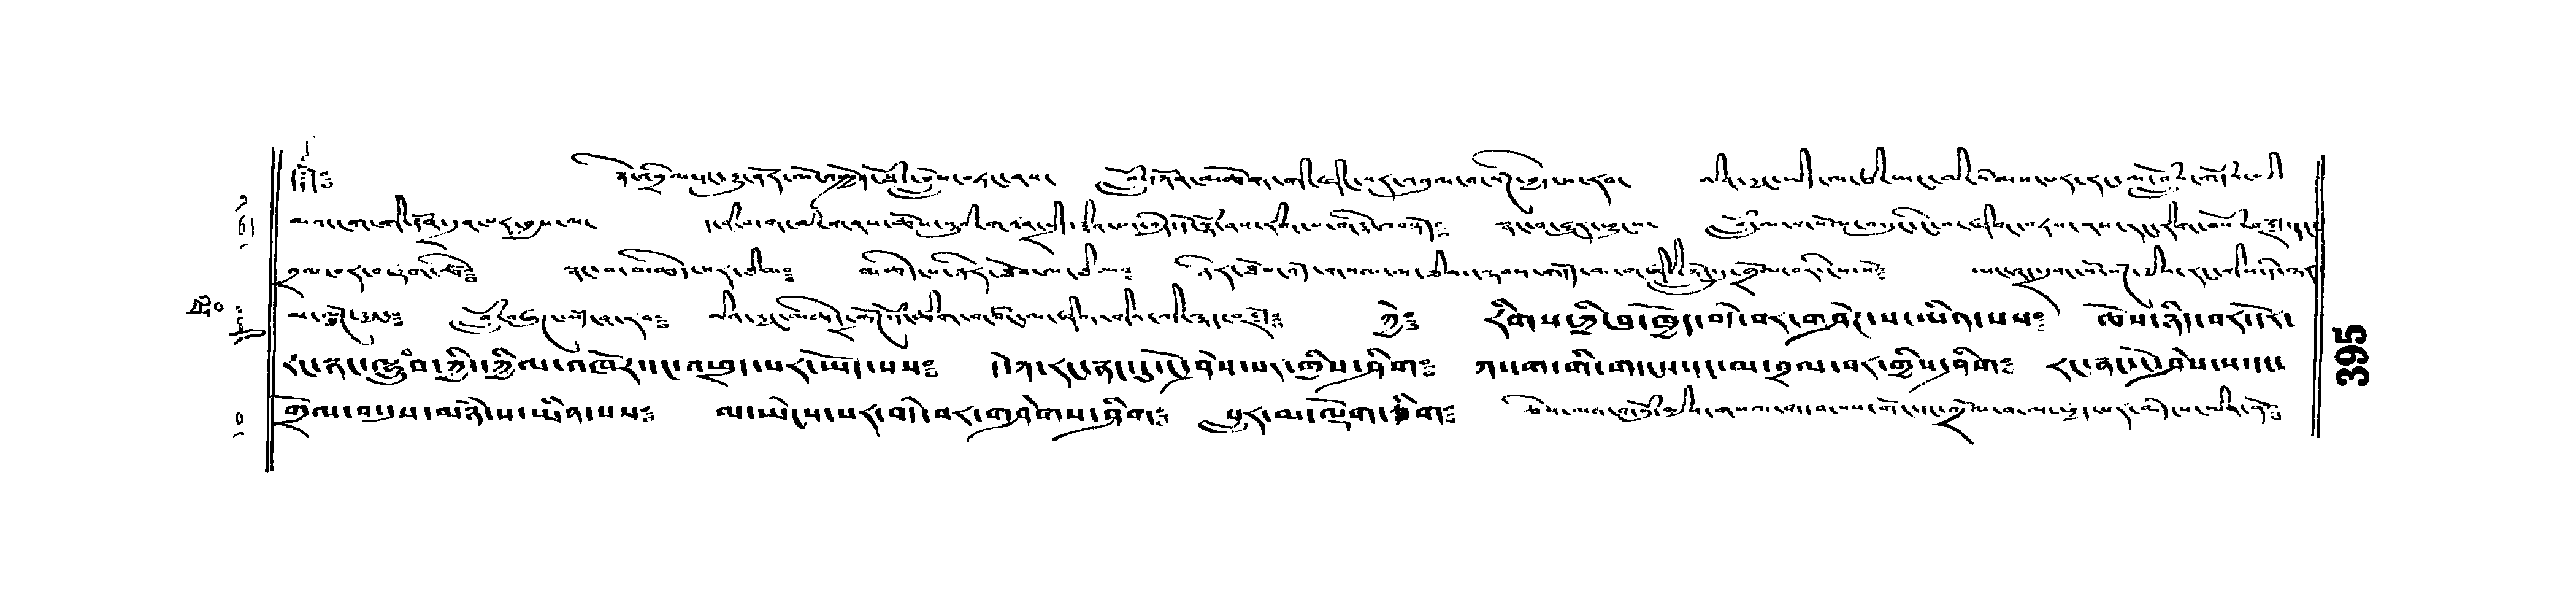ཉེ་འབྲེལ་དང་རྒྱུ་ནོར་ལོངས་སྤྱོད་ཐམས་ཅད་བློས་བཏང་ནས༔ བླ་མ་དཀོན་མཆོག་གི་ཞིང་སར་འབུལ་བ་སོགས་བྱེད་པ་རབ༔ མིན་ཀྱང་ཡིད་ལ་ཅི་ཡང་མི་སེམས་པར་རང་ལ་བླ་མས་གདམས་པའི་
མན་ངག་གི་དོན་དྲན་པར་བྱས་ལ༔ ད་ནི་བདག་མི་གནས་ཆོས་སྐུའི་གཏན་སྲིད་ཟིན་པར་བྱེད་དོ་སྙམ་ནས་རིག་པ་གཟེངས་བསྟོད༔ སྣང་བ་ཞུར་ཕྱུངས༔ བླ་མ་ལ་གསོལ་བ་དུང་ངེ་བ་ཞིག་བཏབ་ནས་རང་རིག་བསམ་བརྗོད་དང་
བྲལ་བར་བཞག་ཚེ༔ སྣང་བ་མཆེད་པར་ཐིམ༔ མཆེད་པ་ཉེར་ཐོབ་ལ་ཐིམ༔ ཉེར་ཐོབ་འོད་གསལ་ལ་ཐིམ་སྐབས་གདོད་མ་གཞིའི་ཀློང་དུ་གྲོལ་བར་ངེས་སོ༔ ཡང་ནད་དྲག་པོ་སོགས་ཀྱིས་རང་གིས་དེ་ལྟར་
མ་ལྕོགས་ཀྱང༔ བླ་མ་བཞུགས་ཡོད་ན་རབ༔ མིན་ཀྱང་མཆེད་གྲོགས་དམ་ཚིག་གཙང་ལ་ཞིག་གི་འདི་སྐད་བརྗོད༔ ཀྱེ༔ རིགས་ཀྱི་བུ་ཁྱོད་བདེ་བར་གཤེགས་པ་ཡིན་པས༔ ཆོས་ཉིད་བར་དོར་
རང་སྣང་ལྷུན་གྲུབ་ཀྱི་དཀྱིལ་འཁོར་དང་འཕྲད་པར་ཡོད་པས༔ དེ་ཀ་རང་སྣང་དུ་ངོ་ཤེས་པར་གྱིས་ཤིག༔ ཀ་དག་གི་གདངས་དང་མ་བྲལ་བར་གྱིས་ཤིག༔ རང་སྣང་ངོ་ཤེས་པ་དང་
གྲོལ་བ་དུས་མཉམ་པ་ཡིས་པས༔ མ་ཡེངས་པར་བདེ་བར་གཤེགས་ཤིག༔ སླར་མ་ལྡོག་ཅིག༔ ཅེས་ལན་གསུམ་གྱིས་གསལ་གདབ་པས་གོང་དང་གྲོལ་བ་ལ་ཁྱད་པར་མེད་པ་ཡིན་ནོ༔